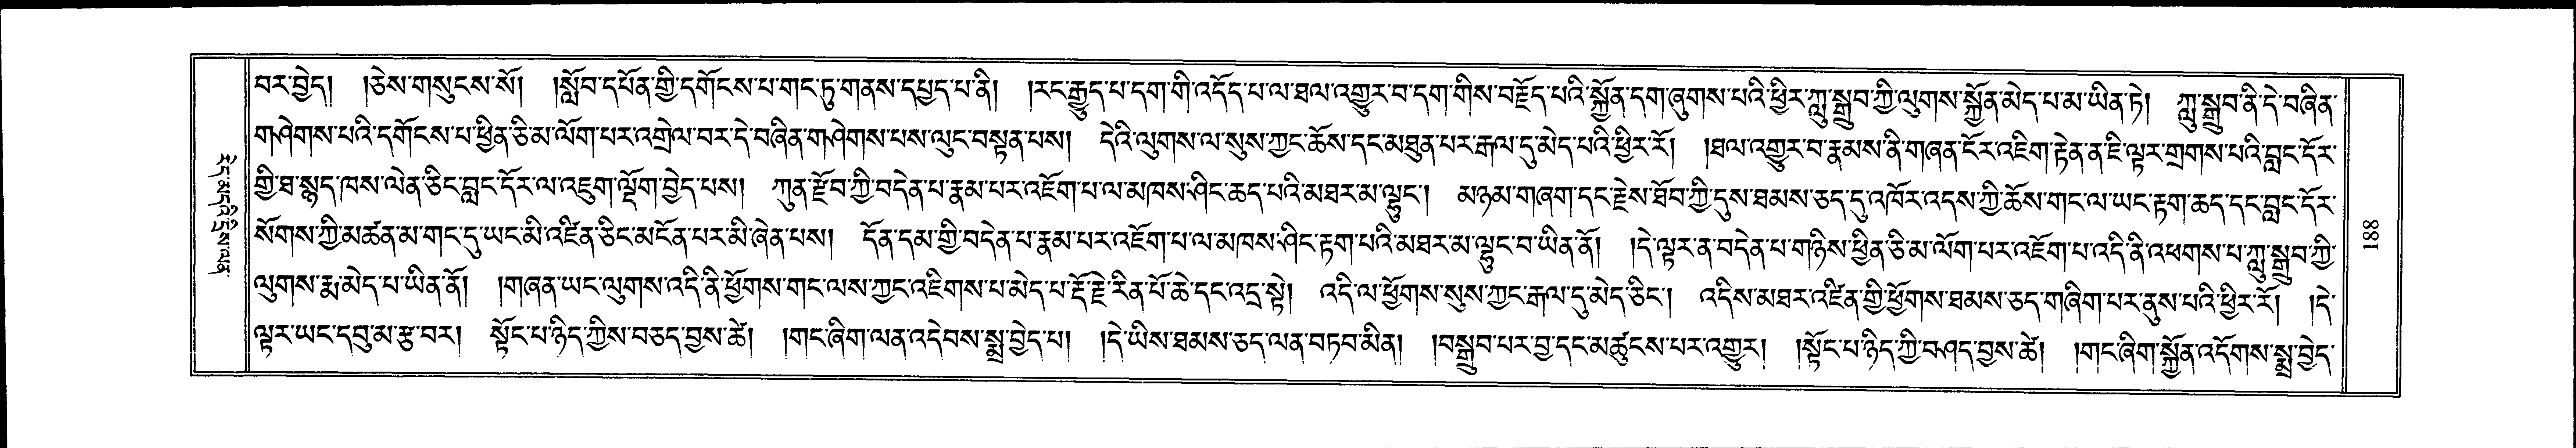བར་བྱེད། །ཅེས་གསུངས་སོ། །སློབ་དཔོན་གྱི་དགོངས་པ་གང་ཏུ་གནས་དཔྱད་པ་ནི། །རང་རྒྱུད་པ་དག་གི་འདོད་པ་ལ་ཐལ་འགྱུར་བ་དག་གིས་བརྗོད་པའི་སྐྱོན་དག་ཞུགས་པའི་ཕྱིར་ཀླུ་སྒྲུབ་ཀྱི་ལུགས་སྐྱོན་མེད་པ་མ་ཡིན་ཏེ། ཀླུ་སྒྲུབ་ནི་དེ་བཞིན་
གཤེགས་པའི་དགོངས་པ་ཕྱིན་ཅི་མ་ལོག་པར་འགྲེལ་བར་དེ་བཞིན་གཤེགས་པས་ལུང་བསྟན་པས། དེའི་ལུགས་ལ་སུས་ཀྱང་ཆོས་དང་མཐུན་པར་རྒྱལ་དུ་མེད་པའི་ཕྱིར་རོ། །ཐལ་འགྱུར་བ་རྣམས་ནི་གཞན་ངོར་འཇིག་རྟེན་ན་ཇི་ལྟར་གྲགས་པའི་བླང་དོར་
གྱི་ཐ་སྙད་ཁས་ལེན་ཅིང་བླང་དོར་ལ་འཇུག་ལྡོག་བྱེད་པས། ཀུན་རྫོབ་ཀྱི་བདེན་པ་རྣམ་པར་འཇོག་པ་ལ་མཁས་ཤིང་ཆད་པའི་མཐར་མ་ལྷུང་། མཉམ་གཞག་དང་རྗེས་ཐོབ་ཀྱི་དུས་ཐམས་ཅད་དུ་འཁོར་འདས་ཀྱི་ཆོས་གང་ལ་ཡང་རྟག་ཆད་དང་བླང་དོར་
སོགས་ཀྱི་མཚན་མ་གང་དུ་ཡང་མི་འཛིན་ཅིང་མངོན་པར་མི་ཞེན་པས། དོན་དམ་གྱི་བདེན་པ་རྣམ་པར་འཇོག་པ་ལ་མཁས་ཤིང་རྟག་པའི་མཐར་མ་ལྷུང་བ་ཡིན་ནོ། །དེ་ལྟར་ན་བདེན་པ་གཉིས་ཕྱིན་ཅི་མ་ལོག་པར་འཇོག་པ་འདི་ནི་འཕགས་པ་ཀླུ་སྒྲུབ་ཀྱི་
ལུགས་རྨ་མེད་པ་ཡིན་ནོ། །གཞན་ཡང་ལུགས་འདི་ནི་ཕྱོགས་གང་ལས་ཀྱང་འཇིགས་པ་མེད་པ་རྡོ་རྗེ་རིན་པོ་ཆེ་དང་འདྲ་སྟེ། འདི་ལ་ཕྱོགས་སུས་ཀྱང་རྒལ་དུ་མེད་ཅིང་། འདིས་མཐར་འཛིན་གྱི་ཕྱོགས་ཐམས་ཅད་གཞིག་པར་ནུས་པའི་ཕྱིར་རོ། །དེ་
ལྟར་ཡང་དབུ་མ་རྩ་བར། སྟོང་པ་ཉིད་ཀྱིས་བཅད་བྱས་ཚེ། །གང་ཞིག་ལན་འདེབས་སྨྲ་བྱེད་པ། །དེ་ཡིས་ཐམས་ཅད་ལན་བཏབ་མིན། །བསྒྲུབ་པར་བྱ་དང་མཚུངས་པར་འགྱུར། །སྟོང་པ་ཉིད་ཀྱི་བཤད་བྱས་ཚེ། །གང་ཞིག་སྐྱོན་འདོགས་སྨྲ་བྱེད་